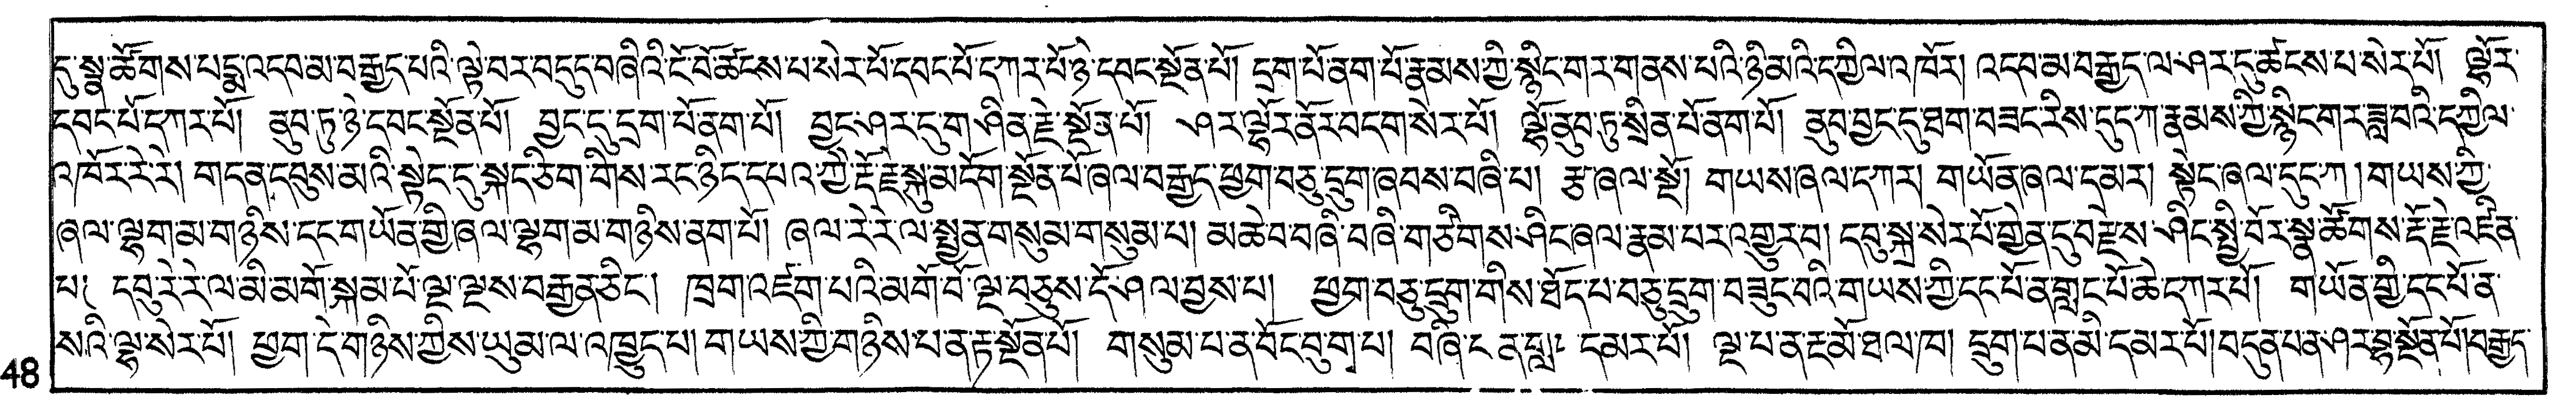དུ་སྣ་ཚོགས་པདམ་འདབ་མ་བརྒྱད་པའི་ལྟེ་བར་བདུད་བཞིའི་ངོ་བོ་ཚངས་པ་སེར་པོ་དབང་པོ་དཀར་པོ་ཉེ་དབང་སྔོན་པོ། དྲག་པོ་ནག་པོ་རྣམས་ཀྱི་སྙིང་གར་གནས་པའི་ཉི་མའི་དཀྱིལ་འཁོར། འདབ་མ་བརྒྱད་ལ་ཤར་དུ་ཚངས་པ་སེར་པོ། ལྷོར་
དབང་པོ་དཀར་པོ། ནུབ་ཏུ་ཉེ་དབང་སྔོན་པོ། བྱང་དུ་དྲག་པོ་ནག་པོ། བྱང་ཤར་དུ་གཤིན་རྗེ་སྔོན་པོ། ཤར་ལྷོར་ནོར་བདག་སེར་པོ། ལྷོ་ནུབ་ཏུ་སྲིན་པོ་ནག་པོ། ནུབ་བྱང་དུ་ཐག་བཟང་རིས་དུད་ཀ་རྣམས་ཀྱི་སྙིང་གར་ཟླ་བའི་དཀྱིལ་
འཁོར་རེ་རེ། གདན་དབུས་མའི་སྟེང་དུ་སྐད་ཅིག་གིས་རང་ཉིད་དཔའ་ཀྱཻ་རྡོ་རྗེ་སྐུ་མདོག་སྔོན་པོ་ཞལ་བརྒྱད་ཕྱག་བཅུ་དྲུག་ཞབས་བཞི་པ། རྩ་ཞལ་སྔོ། གཡས་ཞལ་དཀར། གཡོན་ཞལ་དམར། སྟེང་ཞལ་དུང་ཀ། གཡས་ཀྱི་
ཞལ་ལྷག་མ་གཉིས་དང་གཡོན་གྱི་ཞལ་ལྷག་མ་གཉིས་ནག་པོ། ཞལ་རེ་རེ་ལ་སྤྱན་གསུམ་གསུམ་པ། མཆེ་བ་བཞི་བཞི་གཙིགས་ཤིང་ཞལ་རྣམ་པར་འགྱུར་བ། དབུ་སྐྲ་སེར་པོ་གྱེན་དུ་བརྫེས་ཤིང་སྤྱི་བོར་སྣ་ཚོགས་རྡོ་རྗེ་འཛིན་
པ༑ དབུ་རེ་རེ་ལ་མི་མགོ་སྐམ་པོ་ལྔ་ལྔས་བརྒྱན་ཅིང་། ཁྲག་འཛག་པའི་མགོ་བོ་ལྔ་བཅུས་དོ་ཤལ་བྱས་པ། ཕྱག་བཅུ་དྲུག་གིས་ཐོད་པ་བཅུ་དྲུག་བཟུང་བའི་གཡས་ཀྱི་དང་པོ་ན་གླང་པོ་ཆེ་དཀར་པོ། གཡོན་གྱི་དང་པོ་ན་
སའི་ལྷ་སེར་པོ། ཕྱག་དེ་གཉིས་ཀྱིས་ཡུམ་ལ་འཁྱུད་པ། གཡས་ཀྱི་གཉིས་པ་ན་རྟ་སྔོན་པོ། གསུམ་པ་ན་བོང་བུ་ག་པ། བཞི་ངན་གླང་དམར་པོ། ལྔ་པ་ན་རྔ་མོ་ཐལ་ཁ། དྲུག་པ་ན་མི་དམར་པོ། བདུན་པ་ན་ཤར་བྷ་སྔོན་པོ། བརྒྱད་